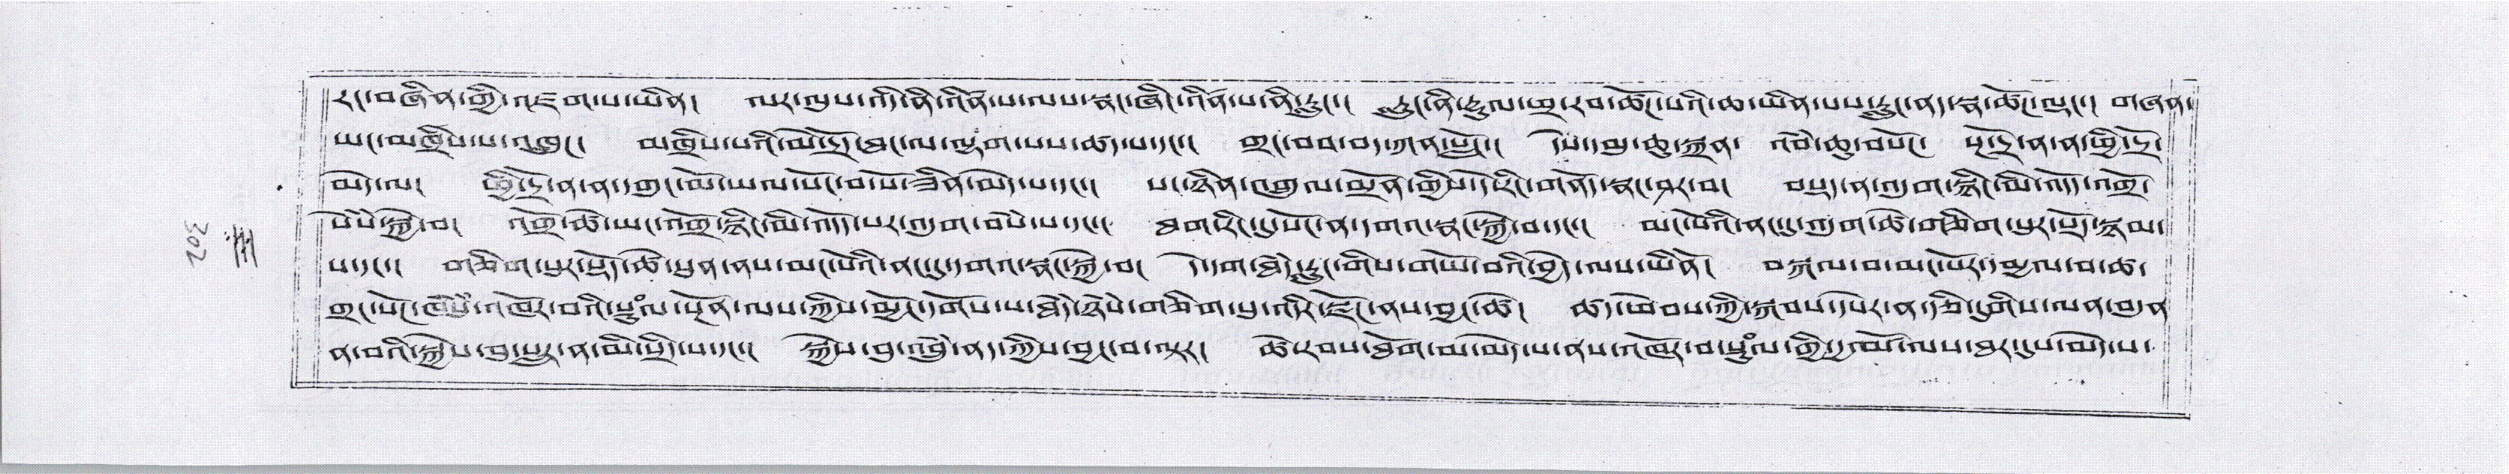རང་བཞིན་གྱི་འཛག་པ་ཡིན། ལར་ལུས་འདི་ནི་འཛིན་པ་ལས་སྣང་ཞིང་འཛིན་པ་ནི་རླུང། རླུང་ནི་རྡུལ་ཕྲ་རབ་ཚོགས་པའི་ཆ་ཡིན་པས་རླུང་ནད་སྣ་ཚོགས་ལྡང། གཞན་
ཡང་མཁྲིས་པ་འཁྲུགས། མཁྲིས་པའི་མེ་དྲོད་ཐང་ལ་ལྷག་པས་ཚད་པ་དང། གྲང་བབ་བད་ཀན་སློང། དེས་དམུ་ཆུ་སྐྲན། འབམ་ཆུ་བསོགས། སྔ་དྲོ་ན་ན་ཕྱི་དྲོ་
མེད་ལ། ཕྱི་དྲོ་ན་ན་དགུང་མོ་ཡལ་སོང་བ་སོ་ཟིན་མེད་པ་དང། སང་ཉིན་འགྲུལ་མགྲོན་གྱིས་དེ་རིང་གནོད་སྣང་ཤར་བ། བསྡད་ན་འདུག་སྙིང་མི་འདོད་འགྲོ་
སེམས་སྐྱེ་བ། འགྲོ་ཚེ་ཡང་འགྲོ་སྙིང་མི་འདོད་པར་འདུག་བསམ་པ་དང། ཐག་རིང་དུ་སོང་ན་དགའ་སྣང་སྐྱེ་བ་དང། མང་པོའི་ནང་དུ་འདུག་ཚེ་གཅིག་པུར་སྡོད་སྙམ་
པ་དང། གཅིག་པུར་སྡོད་ཚེ་སུན་ནས་མང་པོའི་ནང་དུ་དགའ་སྣང་སྐྱེ་བ། དེ་དག་ཐམས་ཅད་རླུང་གིས་གཡོ་བའི་བྱེད་ལས་ཡིན་ནོ། བསྐལ་པ་མང་པོར་དམྱལ་བ་ཚ་
གྲང་སོགས་ཁམས་གསུམ་འཁོར་བའི་སྡུག་བསྔལ་སྔོན་ལས་ཀྱིས་མྱོང་དགོས་པ་ཐམས་ཅད་ཉམས་གཅིག་པུ་འདིར་རྫོགས་ནས་བྱང་ཚེ། ཚད་ཕེབས་ཀྱི་སྐབས་དཔེར་ན་རྩི་དུག་གིས་ལན་བདུན་
ན་བའི་སྐྱེས་བུ་སླར་ན་མི་སྲིད་པ་དང། སྐྱེས་བུ་འབྲུམ་ནད་ཀྱིས་བྱང་བ་ལྟར། ཚེ་རབས་ཐོག་མ་མེད་པ་ནས་འཁོར་བ་སྡུག་བསྔལ་གྱི་རྒྱ་མཚོ་ལས་ཐར་དུས་མེད་པ་